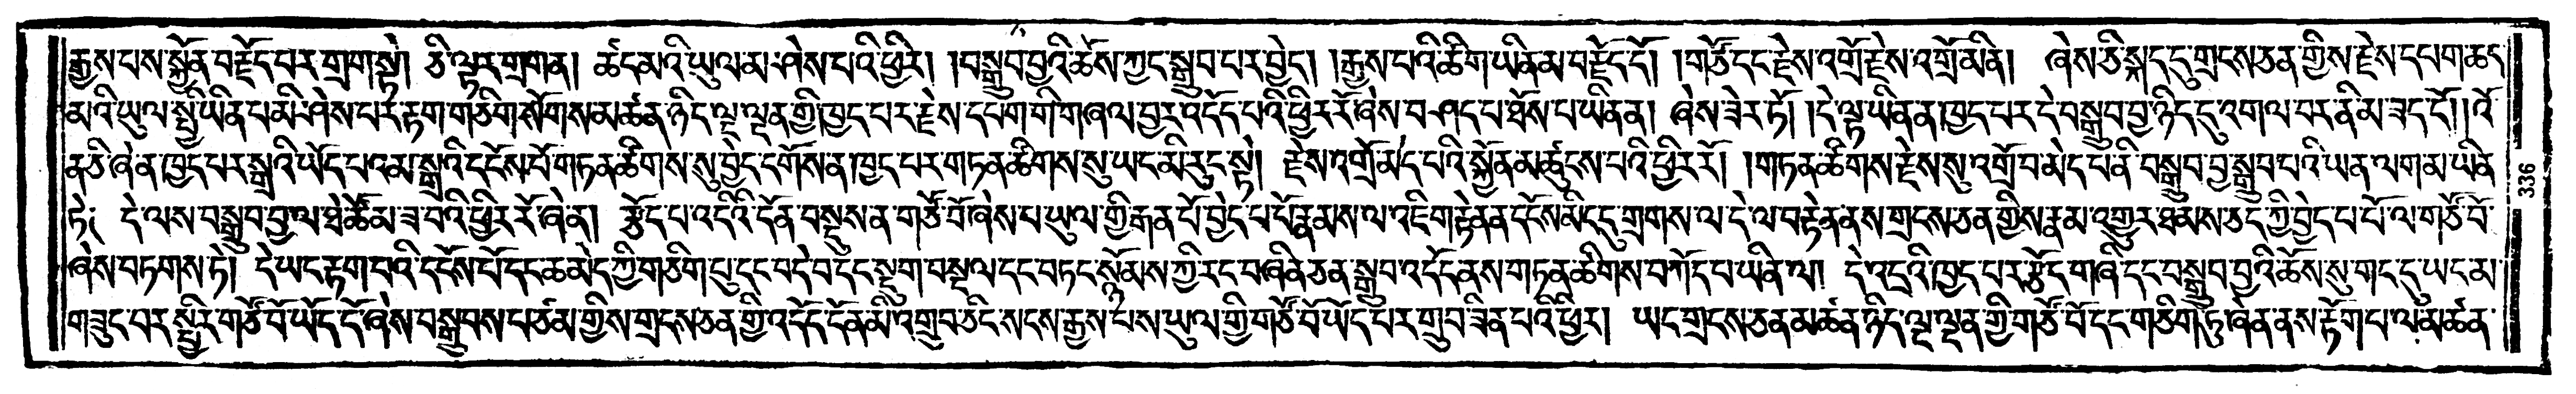རྒྱས་པས་སྐྱོན་བརྗོད་པར་གྲག་སྟེ། ཅི་ལྟར་གྲག་ན། ཚད་མའི་ཡུལ་མ་ཤེས་པའི་ཕྱིར། །བསྒྲུབ་བྱའི་ཆོས་ཀྱང་སྒྲུབ་པར་བྱེད། །རྒྱས་པའི་ཚིག་ཡིན་མ་བརྗོད་དོ། །གཙོ་དང་རྗེས་འགྲོ་རྗེས་འགྲོ་མིན། ཞེས་ཅི་སྐད་དུ་གྲངས་ཅན་གྱིས་རྗེས་དཔག་ཆད་
མའི་ཡུལ་སྤྱི་ཡིན་པ་མི་ཤེས་པར་རྟག་གཅིག་སོགས་མཚན་ཉིད་ལྔ་ལྡན་གྱི་ཁྱད་པར་རྗེས་དཔག་གི་གཞལ་བྱར་འདོད་པའི་ཕྱིར་རོ་ཞེས་བཤད་པ་ཐོས་པ་ཡིན་ནོ། ཞེས་ཟེར་ཏོ། །དེ་ལྟ་ཡིན་ན་ཁྱད་པར་དེ་བསྒྲུབ་བྱ་ཉིད་དུ་འགལ་བར་ནི་མ་ཟད་དོ། །འོ་
ན་ཅི་ཞེ་ན་ཁྱད་པར་སྒྲའི་ཡོད་པའམ་སྒྲའི་དངོས་པོ་གཏན་ཚིགས་སུ་བྱེད་དགོས་ན་ཁྱད་པར་གཏན་ཚིགས་སུ་ཡང་མི་རུང་སྟེ། རྗེས་འགྲོ་མེད་པའི་སྐྱོན་མཚུངས་པའི་ཕྱིར་རོ། །གཏན་ཚིགས་རྗེས་སུ་འགྲོ་བ་མེད་པ་ནི་བསྒྲུབ་བྱ་སྒྲུབ་པའི་ཡན་ལག་མ་ཡིན་
ཏེ༑ དེ་ལས་བསྒྲུབ་བྱ་ལ་ཐེ་ཚོམ་ཟ་བའི་ཕྱིར་རོ་ཞེ་ན། རྩོད་པ་འདིའི་དོན་བསྡུས་ན་གཙོ་བོ་ཞེས་པ་ཡུལ་གྱི་རྒན་པོ་བྱེད་པ་པོ་རྣམས་ལ་འཇིག་རྟེན་ན་དངོས་མིང་དུ་གྲགས་ལ་དེ་ལ་བརྟེན་ནས་གྲངས་ཅན་གྱིས་རྣམ་འགྱུར་ཐམས་ཅད་ཀྱི་བྱེད་པ་པོ་ལ་གཙོ་བོ་
ཞེས་བཏགས་ཏེ། དེ་ཡང་རྟག་པའི་དངོས་པོ་དང་ཆ་མེད་ཀྱི་གཅིག་པུ་དང་བདེ་བ་དང་སྡུག་བསྔལ་དང་བཏང་སྙོམས་ཀྱི་རང་བཞིན་ཅན་སྒྲུབ་འདོད་ནས་གཏན་ཚིགས་བཀོད་པ་ཡིན་ལ། དེ་འདྲའི་ཁྱད་པར་རྩོད་གཞི་དང་བསྒྲུབ་བྱའི་ཆོས་སུ་གང་དུ་ཡང་མ་
གཟུང་བར་སྤྱིར་གཙོ་བོ་ཡོད་དོ་ཞེས་བསྒྲུབས་པ་ཙམ་གྱིས་གྲངས་ཅན་གྱི་འདོད་དོན་མི་འགྲུབ་ཅིང་སངས་རྒྱས་པས་ཡུལ་གྱི་གཙོ་བོ་ཡོད་པར་གྲུབ་ཟིན་པའི་ཕྱིར། ཡང་གྲངས་ཅན་མཚན་ཉིད་ལྔ་ལྡན་གྱི་གཙོ་བོ་དང་གཅིག་ཏུ་ཞེ་ན་ནས་རྟོག་པ་ལ་མཚན་